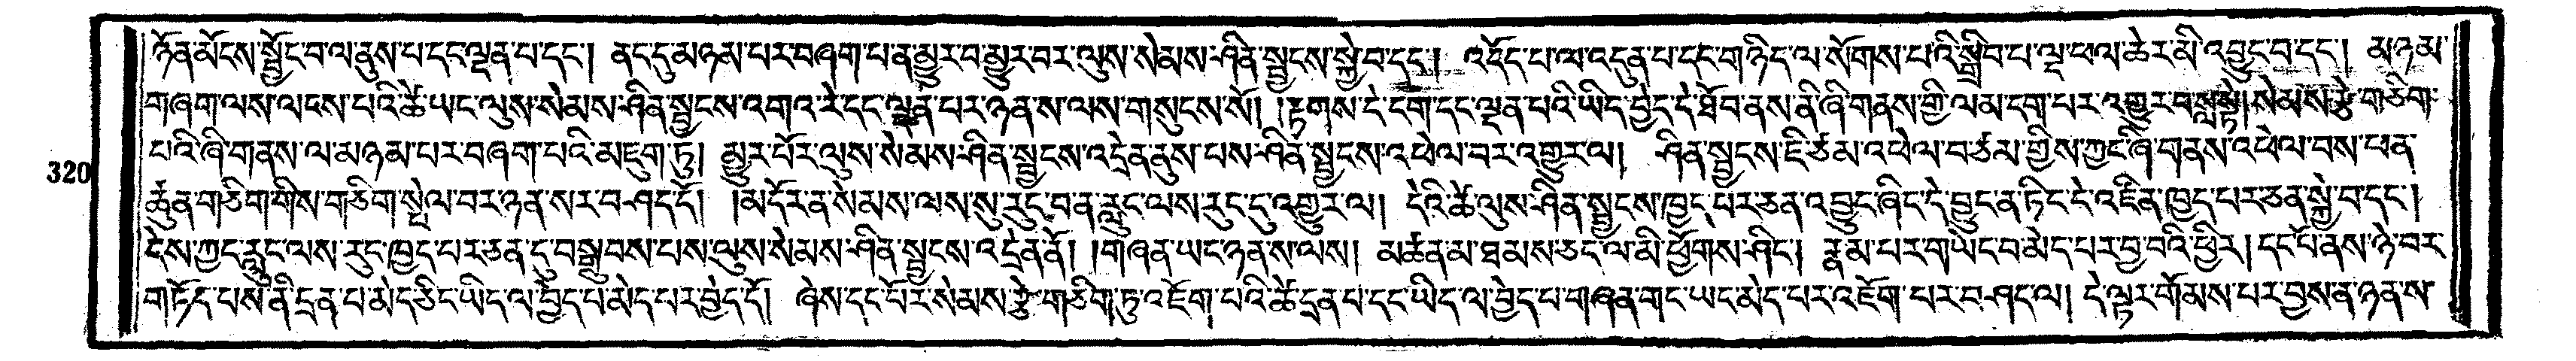ཉོན་མོངས་སྦྱོང་པ་ལ་ནུས་པ་དང་ལྡན་པ་དང་། ནང་དུ་མཉམ་པར་བཞག་པ་ན་མྱུར་བ་མྱུར་བར་ལུས་སེམས་ཤིན་སྦྱངས་སྐྱེ་བ་དང་། འདོད་པ་ལ་འདུན་པ་དང་གཉིད་ལ་སོགས་པའི་སྒྲིབ་པ་ལྔ་ཕལ་ཆེར་མི་འབྱུང་བ་དང་། མཉམ་
གཞག་ལས་ལངས་པའི་ཚེ་ཡང་ལུས་སེམས་ཤིན་སྦྱངས་འགའ་རེ་དང་ལྡན་པར་ཉན་ས་ལས་གསུངས་སོ། །རྟགས་དེ་དག་དང་ལྡན་པའི་ཡིད་བྱེད་དེ་ཐོབ་ནས་ནི་ཞི་གནས་གྱི་ལམ་དག་པར་འགྱུར་བསླ་སྟེ། སེམས་རྩེ་གཅིག་
པའི་ཞི་གནས་ལ་མཉམ་པར་བཞག་པའི་མཇུག་ཏུ། མྱུར་པོར་ལུས་སེམས་ཤིན་སྦྱངས་འདྲེན་ནུས་པས་ཤིན་སྦྱངས་འཕེལ་བར་འགྱུར་ལ། ཤིན་སྦྱངས་ཇི་ཙམ་འཕེལ་བ་ཙམ་གྱིས་ཀྱང་ཞི་གནས་འཕེལ་བས་ཕན་
ཚུན་གཅིག་གིས་གཅིག་སྤེལ་བར་ཉན་སར་བཤད་དོ། །མདོར་ན་སེམས་ལས་སུ་རུང་བ་ན་རླུང་བ་ན་རླུང་ལས་རུང་དུ་འགྱུར་ལ། དེའི་ཚེ་ལུས་ཤིན་སྦྱངས་ཁྱད་པར་ཅན་འབྱུང་ཞིང་དེ་བྱུང་ན་ཏིང་ངེ་འཛིན་ཁྱད་པར་ཅན་སྐྱེ་བ་དང་།
དེས་ཀྱང་རླུང་ལས་རུང་ཁྱད་པར་ཅན་དུ་བསྒྲུབས་པས་ལུས་སེམས་ཤིན་སྦྱངས་འདྲེན་ནོ། །གཞན་ཡང་ཉན་ས་ལས། མཚན་མ་ཐམས་ཅད་ལ་མི་ཕྱོགས་ཤིང་། རྣམ་པར་གཡེང་བ་མེད་པར་བྱ་བའི་ཕྱིར། དང་པོ་ནས་ཉེ་བར་
གཏོང་པས་ནི་དྲན་པ་མེད་ཅིང་ཡིད་ལ་བྱེད་པ་མེད་པར་བྱེད་དོ། ཞེས་དང་པོར་སེམས་རྩེ་གཅིག་ཏུ་འཇོག་པའི་ཚེ་དྲན་པ་དང་ཡིད་ལ་བྱེད་པ་གཞན་གང་ཡང་མེད་པར་འཇོག་པར་བཤད་ལ། དེ་ལྟར་གོམས་པར་བྱས་ན་ཉན་ས་